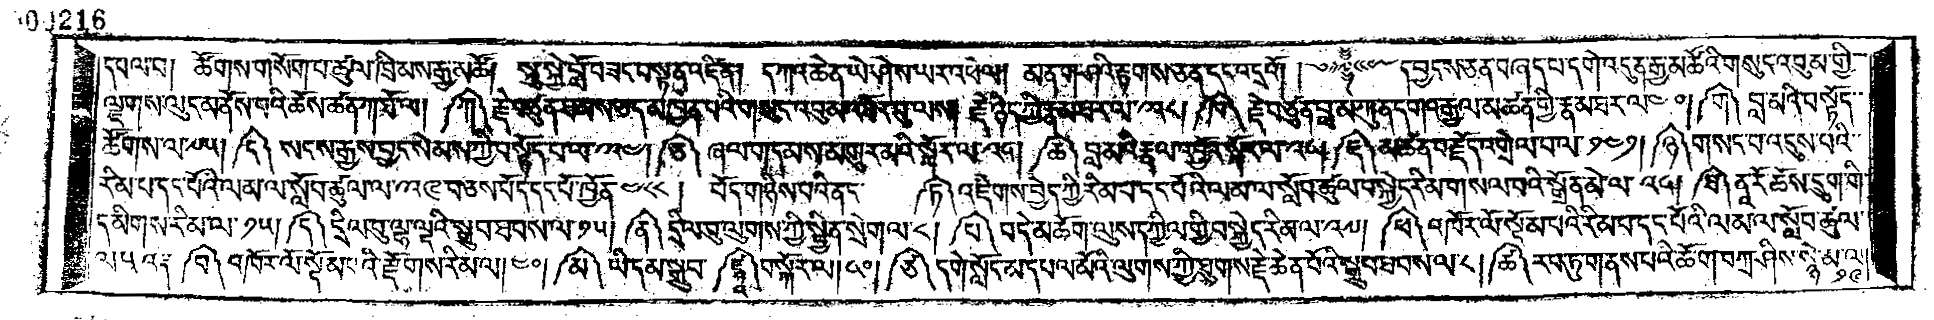དཔལ་བ། ཚོགས་གསོག་པ་ཚུལ་ཁྲིམས་རྒྱ་མཚོ། སྐུ་སྐྱེ་བློ་བཟང་བསྟན་འཛིན། དཀའ་ཆེན་ཡེ་ཤེས་ཡར་འཕེལ། མན་ག་ཤི་རྟགས་ཅན་དང་འདྲའོ། །དབྱངས་ཅན་བཞད་པ་དགེ་འདུན་རྒྱ་མཚོའི་གསུང་འདུམ་གྱི་
ལྗགས་ལུང་མ་ནོས་པའི་ཆོས་ཚན་ཀ་ཐོ་ལ། ༼ཀ༽ རྗེ་བཙུན་ཐམས་ཅད་མཁྱེན་པའི་གསུང་འབུམ་འཐོར་བུ་ལས། རྗེ་ཉིད་ཀྱི་རྣམ་ཐར་ལ ༣༨། ༼ཁ༽ རྗེ་བཙུན་བླ་མ་ཀུན་དགའ་རྒྱལ་མཚན་གྱི་རྣམ་ཐར་ལ ༤༠། ༼ག༽ བླ་མའི་བསྟོད་
ཚོགས་ལ ༧༥། ༼ང༽ སངས་རྒྱས་བྱང་སེམས་ཀྱི་བསྟོད་པ་ལ ༣༤། ༼ཅ༽ ཞལ་གདམས་མགུར་མའི་སྐོར་ལ ༢༡། ༼ཆ༽ བླ་མའི་རྣལ་འབྱོར་སྐོར་ལ ༢༦། ༼ཇ༽ མཚན་བརྗོད་འགྲེལ་བ་ལ ༡༤༡། ༼ཉི༽ གསང་བ་འདུས་པའི་
རིམ་པ་དང་པོའི་ལམ་ལ་སློབ་ཚུལ་ལ ༣༩་བཅས་པོད་དང་པོ་ཁྱོན ༤༨༨། པོད་གཉིས་པའི་ནང ༼ཏ༽ འཇིགས་བྱེད་ཀྱི་རིམ་པ་དང་པོའི་ལམ་ལ་སློབ་ཚུལ་བསྐྱེད་རིམ་གསལ་བའི་སྒྲོན་མེ་ལ ༢༥། ༼ཐ༽ ནཱ་རོ་ཆོས་དྲུག་གི་
དམིགས་རིམ་ལ ༡༥ ༼ད༽ དྲིལ་བུ་ལྷ་ལྔའི་སྒྲུབ་ཐབས་ལ ༡༥། ༼ན༽ དྲིལ་བུ་ལུགས་ཀྱི་སྦྱིན་སྲེག་ལ ༨། ༼པ༽ བདེ་མཆོག་ལུས་དཀྱིལ་གྱི་བསྐྱེད་རིམ་ལ ༢༧། ༼ཕ༽ འཁོར་ལོ་སྡོམ་པའི་རིམ་པ་དང་པོའི་ལམ་ལ་སློབ་ཚུལ་
ལ ༥༢༑ ༼བ༽ འཁོར་ལོ་སྡོམ་པའི་རྫོགས་རིམ་ལ། ༤༠། ༼མ༽ ཡི་དམ་སྒྲུབ ༼ཛྙཱ་བསྐོར་ལ། ༦༠། ༽ཙ༼་དགེ་སློང་མ་དཔལ་མོའི་ལུགས་ཀྱི་ཐུགས་རྗེ་ཆེན་པོའི་སྒྲུབ་ཐབས་ལ ༨། ༽ཚ་རབ་ཏུ་གནས་པའི་ཆོ་ག་བཀྲ་ཤིས་སྙེ་མ་ལ།